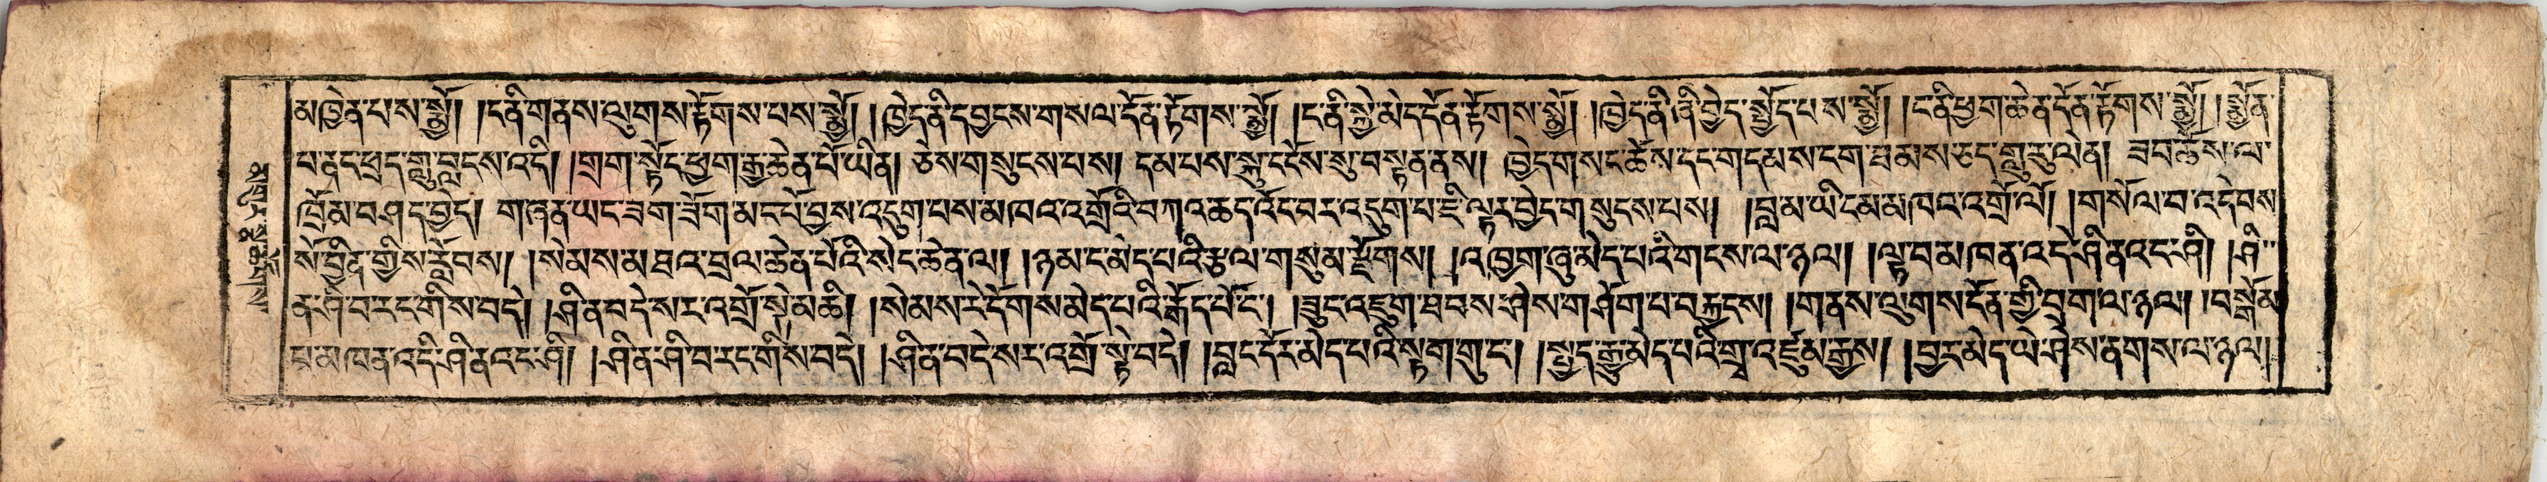མཁྱེན་པས་སྨྱོ། །ང་ནི་གནས་ལུགས་རྟོགས་པས་སྨྱོ། །ཁྱེད་ནི་དབྱངས་གསལ་དོན་རྟོགས་སྨྱོ། །ང་ནི་སྐྱེ་མེད་དོན་རྟོགས་སྨྱོ། །ཁྱེད་ནི་ཞི་བྱེད་སྤྱོད་པས་སྨྱོ། །ང་ནི་ཕྱག་ཆེན་དོན་རྟོགས་སྨྱོ། །སྨྱོན་
པ་ནང་ཕྲད་གླུ་བླངས་འདི། །གྲག་སྟོང་ཕྱག་རྒྱ་ཆེན་པོ་ཡིན། །ཅེས་གསུངས་པས། དམ་པས་སྐུ་དངོས་སུ་བསྟན་ནས། ཁྱེད་ག་སང་ཆོས་དང་གདམས་ངག་ཐམས་ཅད་གླུ་རུ་ལེན། ཟབ་ཆོས་ལ་
ཁྲོམ་བཤད་བྱེད། གཞན་ཡང་ཟག་ཟོག་མང་པོ་བྱས་འདུག་པས་མཁའ་འགྲོའི་བཀའ་ཆད་འོང་བར་འདུག་པ་ཇི་ལྟར་བྱེད་གསུངས་པས། །བླ་མ་ཡི་དམ་མཁའ་འགྲོ་ལོ། །གསོལ་བ་འདེབས་
སོ་བྱིན་གྱིས་རློབས། །སེམས་མཐའ་བྲལ་ཆེན་པོའི་སེང་ཆེན་ལ། །ཉམ་ང་མེད་པའི་རྩལ་གསུམ་རྫོགས། །འཁྱག་ཞུ་མེད་པའི་གངས་ལ་ཉལ། །ལྟ་བ་མཁན་འདི་ཤི་ནའང་ཤི། །ཤི་
ན་ཤི་བ་རང་གིས་བདེ། །ཤི་ན་བདེ་སར་འགྲོ་སྟེ་མཆི། །སེམས་རེ་དོགས་མེད་པའི་རྒོད་པོ་ང་། །ཟུང་འཇུག་ཐབས་ཤེས་གཤོག་པ་བརྐྱངས། །གནས་ལུགས་དོན་གྱི་བྲག་ལ་ཉལ། །བསྒོམ་
པ་མཁན་འདི་ཤི་ནའང་ཤི། །ཤི་ན་ཤི་བ་རང་གིས་བདེ། །ཤི་ན་བདེ་སར་འགྲོ་སྟེ་བདེ། །བླང་དོར་མེད་པའི་སྟག་གུ་ང་། །སྤྱད་རྒྱུ་མེད་པའི་གྲྭ་འཛུམ་རྒྱས། །བྱར་མེད་ཡེ་ཤེས་ནགས་ལ་ཉལ། །